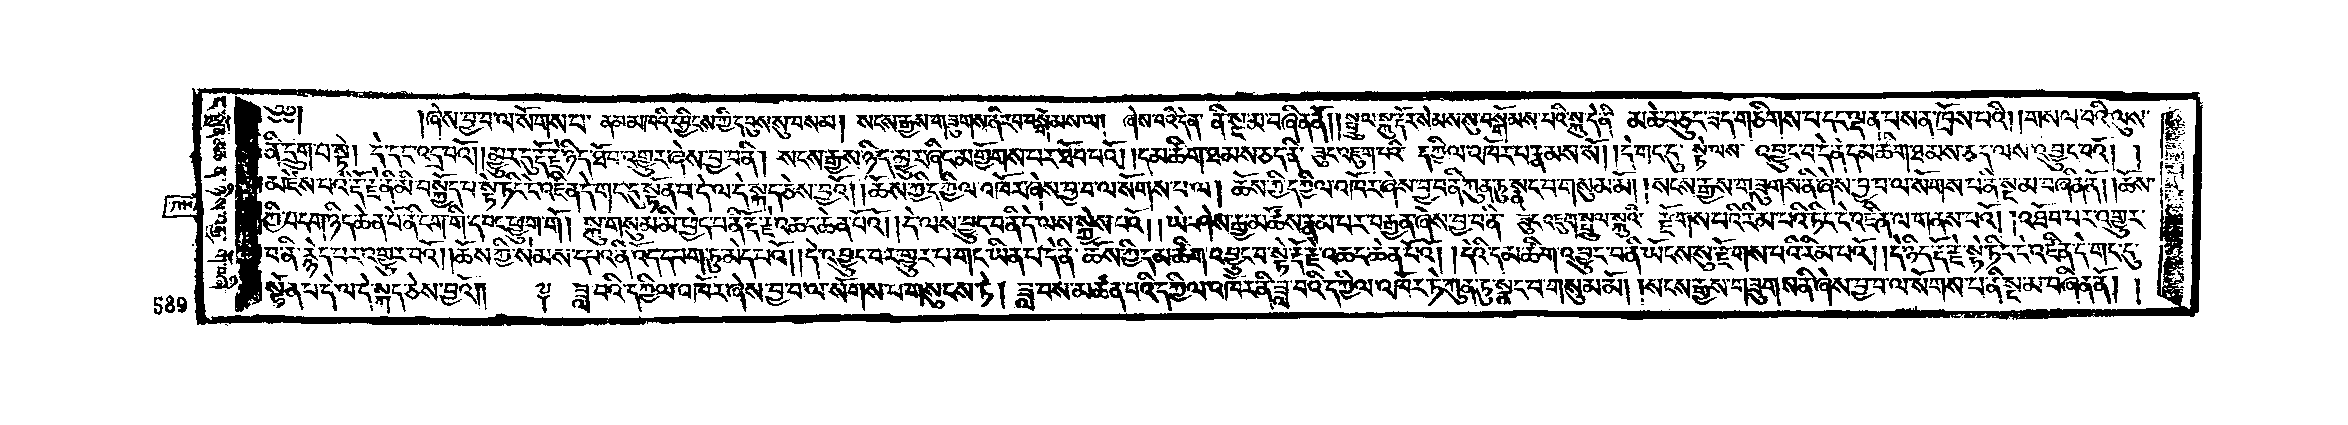༄༅། །ཞེས་བྱ་བ་ལ་སོགས་པ་ནམ་མཁའི་དབྱིངས་ཀྱི་དབུས་སུ་བསམ། སངས་རྒྱས་གཟུགས་ནི་རབ་བསྒོམས་ལ། ཞེས་པའི་དེན་ནི་སྔ་མ་བཞིན་ནོ། ། སྤྲུལ་སྐུ་རྡོར་སེམས་སུ་བསྒོམས་པའི་སྐུ་དེ་ནི་མཆེ་བ་ཅུང་ཟད་གཅིགས་པ་དང་ལྡན་པས་ན་ཁྲོས་པའོ། །གསལ་བའི་ལུས་
ནི་དྲུག་པ་སྟེ། དེ་དང་འདྲ་བའོ། །མྱུར་དུ་རྡོ་རྗེ་ཉིད་ཐོབ་འགྱུར་ཞེས་བྱ་བ་ནི། སངས་རྒྱས་ཉིད་མྱུར་ཞིང་མགྱོགས་པར་ཐོབ་པའོ། །དམ་ཚིག་ཐམས་ཅད་ནི་ཟུང་འཇུག་པའི་དཀྱིལ་འཁོར་པ་རྣམས་སོ། །དེ་གང་དུ་སྟེ་ལས་འབྱུང་བ་དེ་ནི་དམ་ཚིག་ཐམས་ཅད་ལས་འབྱུང་བའོ། །
མཛེས་པའི་རྡོ་རྗེ་ནི་མི་བསྐྱོད་པ་སྟེ་ཏིང་ངེ་འཛིན་དེ་གང་དུ་སྟོན་པ་དེ་ལ་དེ་སྐད་ཅེས་བྱའོ། །ཆོས་ཀྱི་དཀྱིལ་འཁོར་ཞེས་བྱ་བ་ལ་སོགས་པ་ལ། ཆོས་ཀྱི་དཀྱིལ་འཁོར་ཞེས་བྱ་བ་ནི་ཀུན་ཏུ་སྣང་བ་གསུམ་མོ། །སངས་རྒྱས་གཟུགས་ནི་ཞེས་བྱ་བ་ལ་སོགས་པ་ནི་སྔ་མ་བཞིན་ནོ། །ཆོས་
ཀྱི་བདག་ཉིད་ཆེན་པོ་ནི་ངག་གི་དབང་ཕྱུག་གོ །སྐུ་གསུམ་མི་ཕྱེད་པ་ནི་རྡོ་རྗེ་འཆང་ཆེན་པོའོ། །དེ་ལས་བྱུང་བ་ནི་དེ་ལས་སྐྱེས་པའོ། །ཡེ་ཤེས་རྒྱ་མཚོས་རྣམ་པར་བརྒྱན་ཞེས་བྱ་བ་ནི་ཟུང་འཇུག་སྤྲུལ་སྐུའི་རྫོགས་པའི་རིམ་པའི་ཏིང་ངེ་འཛིན་ལ་གནས་པའོ། །འཐོབ་པར་འགྱུར་
བ་ནི་རྙེད་པར་འགྱུར་བའོ། །ཆོས་ཀྱི་སེམས་དཔའ་ནི་འོད་དཔག་ཏུ་མེད་པའོ། །དེ་འབྱུང་བར་གྱུར་པ་གང་ཡིན་པ་དེ་ནི་ཆོས་ཀྱི་དམ་ཚིག་འབྱུང་བ་སྟེ་རྡོ་རྗེ་འཆང་ཆེན་པོའོ། །དེའི་དམ་ཚིག་འབྱུང་བ་ནི་ཡོངས་སུ་རྫོགས་པའི་རིམ་པའོ། །དེ་ཉིད་རྡོ་རྗེ་སྟེ་ཏིང་ངེ་འཛིན་དེ་གང་དུ་
སྟོན་པ་དེ་ལ་དེ་སྐད་ཅེས་བྱའོ།། ༈ ཟླ་བའི་དཀྱིལ་འཁོར་ཞེས་བྱ་བ་ལ་སོགས་པ་གསུངས་ཏེ། ཟླ་བས་མཚན་པའི་དཀྱིལ་འཁོར་ནི་ཟླ་བའི་དཀྱིལ་འཁོར་ཏེ་ཀུན་ཏུ་སྣང་བ་གསུམ་མོ། །སངས་རྒྱས་གཟུགས་ནི་ཞེས་བྱ་བ་ལ་སོགས་པ་ནི་སྔ་མ་བཞིན་ནོ། །